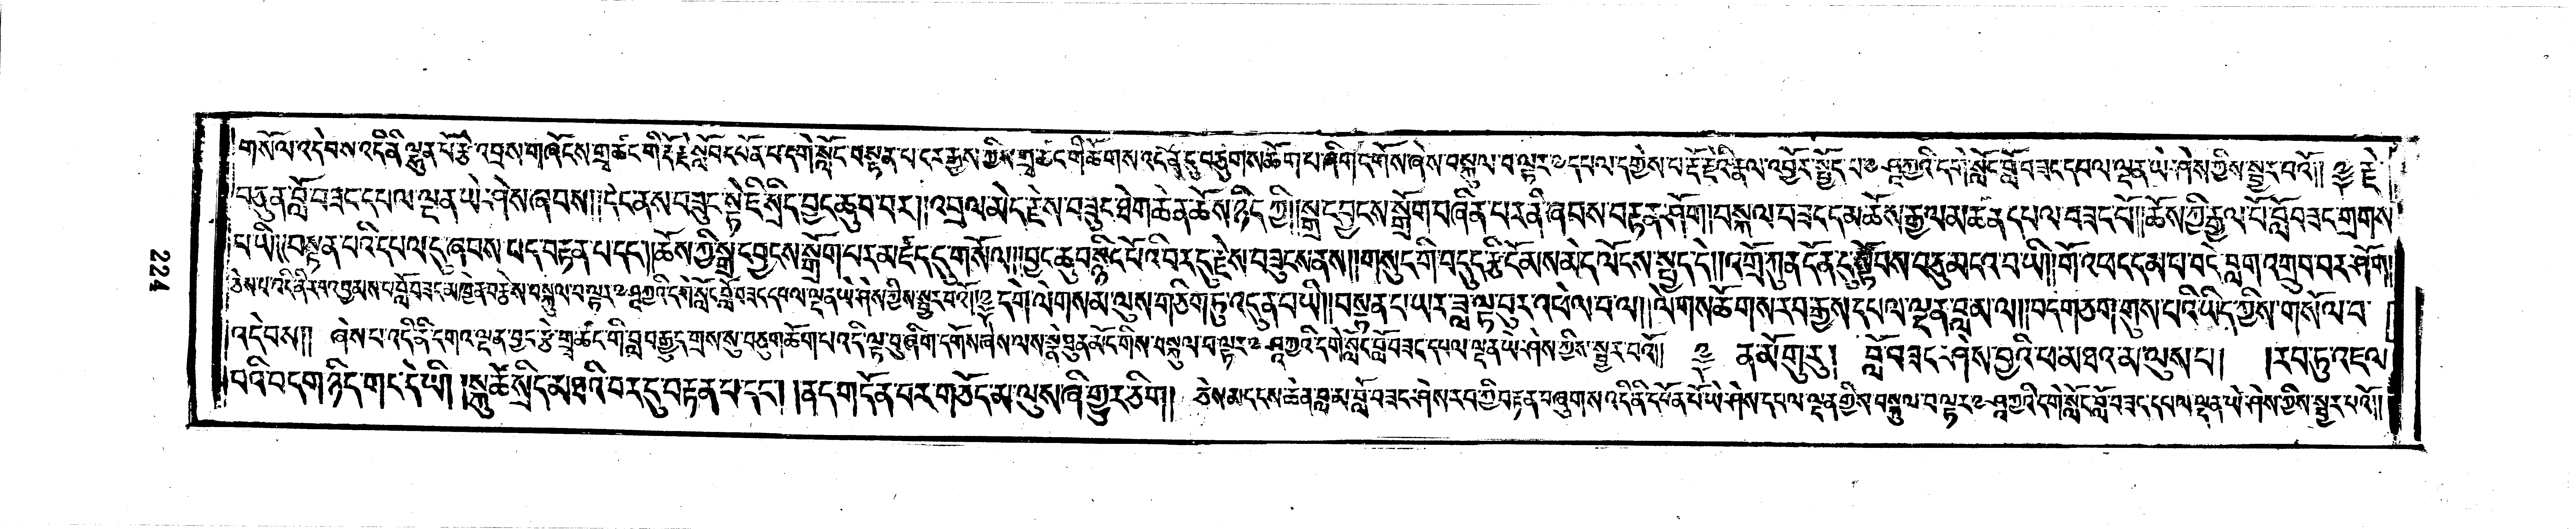གསོལ་འདེབས་འདི་ནི་ལྷུན་པོ་རྩེ་འབྲས་གཞོང་གྲྭ་ཚང་གི་རྡོ་རྗེ་སློབ་དཔོན་པ་དགེ་སློང་བསྟན་པ་ངར་རྒྱས་ཀྱིས་གྲྭ་ཚང་གི་ཚོགས་འདོན་དུ་བཅུགས་ཆོག་པ་ཆོག་པ་ཞིག་དགོས་ཞེས་བསྐུལ་བ་ལྟར་༧་དཔལ་དགྱེས་པ་རྡོ་རྗེའི་རྣལ་འབྱོར་སྤྱོད་པ་༧་ཤཱཀྱའི་དགེ་སློང་བློ་བཟང་དཔལ་ལྡན་ཡེ་ཤེས་ཀྱིས་སྦྱར་བའོ།། ༈ རྗེ་
བཅུན་བློ་བཟང་དཔལ་ལྡན་ཡེ་ཤེས་ཞབས། །དེང་ནས་བཟུང་སྟེ་ཇི་སྲིད་བྱང་ཆུབ་བར། །འབྲལ་མེད་རྗེས་བཟུང་ཐེག་ཆེན་ཆོས་ཉིད་ཀྱི། །སྒྲ་དབྱངས་སྒྲོག་བཞིན་པར་ནི་ཞབས་བརྟན་ཤོག །བསྐལ་བཟང་དམ་ཆོས་རྒྱལ་མཚན་དཔལ་བཟང་པོ། །ཆོས་ཀྱི་རྒྱལ་པོ་བློ་བཟང་གྲགས་
པ་ཡི༑ ༑བསྟན་པའི་དཔལ་དུ་ཞབས་པད་བརྟན་པ་དང་། །ཆོས་ཀྱི་སྒྲ་དབྱངས་སྒྲོག་པར་མཛད་དུ་གསོལ། །བྱང་ཆུབ་སྙིང་པོའི་བར་དུ་རྗེས་བཟུངས་ནས། །གསུང་གི་བདུད་རྩི་ངོམས་མེད་ལོངས་སྤྱད་དེ། །འགྲོ་ཀུན་དོན་དུ་སྟོབས་བཅུ་མངའ་བ་ཡི། །གོ་འཕང་དམ་པ་བདེ་བླག་འགྲུབ་བར་ཤོག།
ཅེས་པ་འདི་ནི་རབ་འབྱམས་པ་བློ་བཟང་མཁྱེན་བརྩེས་བསྐུལ་བ་ལྟར་༧་ཤཱཀྱའི་དགེ་སློང་བློ་བཟང་དཔལ་ལྡན་ཡེ་ཤེས་ཀྱིས་སྦྱར་བའོ།། ༈ དགེ་ལེགས་མ་ལུས་གཅིག་ཏུ་འདུན་པ་ཡི། །བསྟན་པ་ཡར་ཟླ་ལྟ་བུར་འཕེལ་བ་ལ། །ལེགས་ཆོགས་རབ་རྒྱས་དཔལ་ལྡན་བླ་མ་ལ། །བདག་གཅག་གུས་པའི་ཡིད་ཀྱིས་གསོལ་བ་
འདེབས།། ཞེས་པ་འདི་ནི་དགའ་ལྡན་བྱང་རྩེ་གྲྭ་ཚང་གི་བླ་བརྒྱུད་གྲས་སུ་བཅུག་ཆོག་པ་འདི་ལྟ་བུ་ཞིག་དགོས་ཞེས་ལས་སྣེ་ཐུན་མོང་གིས་བསྐུལ་བ་ལྟར་༧་ཤཱཀྱའི་དགེ་སློང་བློ་བཟང་དཔལ་ལྡན་ཡེ་ཤེས་ཀྱིས་སྦྱར་བའོ།། ༈ ན་མོ་གུ་རུ། བློ་བཟང་ཤེས་བྱའི་ཕ་མཐའ་མ་ལུས་པ། །རབ་ཏུ་འཇལ་
བའི་བདག་ཉིད་གང་དེ་ཡི། །སྐུ་ཚེ་སྲིད་མཐའི་བར་དུ་བརྟན་པ་དང་། །ནད་གདོན་པར་གཅོད་མ་ལུས་ཞི་གྱུར་ཅིག། ཅེས་མདངས་ཆེན་བླ་མ་བློ་བཟང་ཤེས་རབ་ཀྱི་བརྟན་བཞུགས་འདི་ནི་དཔོན་པོ་ཡེ་ཤེས་དཔལ་ལྡན་གྱིས་བསྐུལ་བ་ལྟར་༧་ཤཱཀྱའི་དགེ་སློང་བློ་བཟང་དཔལ་ལྡན་ཡེ་ཤེས་ཀྱིས་སྦྱར་བའོ།།